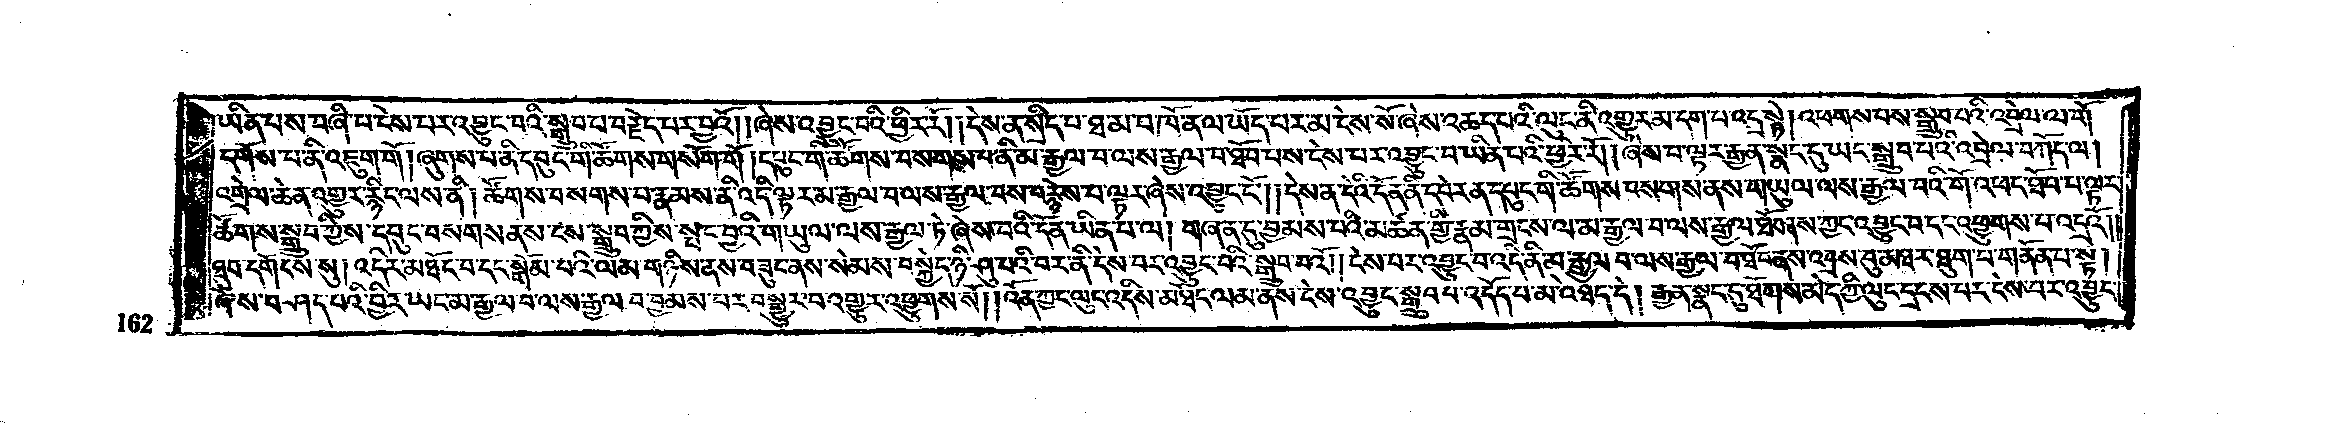ཡིན་པས་བཞི་པ་ངེས་པར་འབྱུང་བའི་སྒྲུབ་པ་བརྗོད་པར་བྱའོ། །འབྱུང་བའི་ཕྱིར་རོ། །དེས་ན་སྲིད་པ་ཐ་མ་པ་ཁོ་ན་ལ་ཡོད་པར་མ་ངེས་སོ་ཞེས་འཆད་པའི་ལུང་ནི་འགྱུར་མ་དག་པ་འདྲ་སྟེ། འཕགས་པས་སྒྲུབ་པའི་འབྲེལ་ལ་གོ་
དགོས་པ་ནི་འཇུག་གོ །ཞུགས་པ་ནི་དཔུང་གི་ཚོགས་གསོག་གོ །དཔུང་གི་ཚོགས་བསགས་པ་ནི་མ་རྒྱལ་བ་ལས་རྒྱལ་བ་ཐོབ་པས་ངེས་པར་འབྱུང་བ་ཡིན་པའི་ཕྱིར་རོ། །ཞེས་པ་ལྟར་རྒྱན་སྣང་དུ་ཡང་སྒྲུབ་པའི་འབྲེལ་བཀོད་ལ།
འགྲེལ་ཆེན་འགྱུར་རྙིང་ལས་ནི། ཚོགས་བསགས་པ་རྣམས་ནི་འདི་ལྟར་མ་རྒྱལ་བ་ལས་རྒྱལ་བས་བརྙེས་པ་ལྟར་ཞེས་འབྱུང་ངོ། །དེས་ན་དེའི་དོན་ནི་དཔེར་ན་དཔུང་གི་ཚོགས་བསགས་ནས་གཡུལ་ལས་རྒྱལ་བའི་གོ་འཕང་ཐོབ་པ་ལྟར་
ཚོགས་སྒྲུབ་ཀྱིས་དཔུང་བསགས་ནས་ངེས་སྒྲུབ་ཀྱིས་སྤང་བྱའི་གཡུལ་ལས་རྒྱལ་ཏེ་ཞེས་པའི་དོན་ཡིན་པ་ལ། གཞན་དུ་བྱམས་པའི་མཚན་གྱི་རྣམ་གྲངས་ལ་མ་རྒྱལ་བ་ལས་རྒྱལ་བ་ཞེས་ཀྱང་འབྱུང་བ་དང་འཕྱུགས་པ་འདྲའོ། །
ཐུབ་དགོངས་སུ། འདིར་མཐོང་བ་དང་སྒོམ་པའི་ལམ་གཉིས་ནས་བཟུང་ནས་སེམས་བསྐྱེད་ཉི་ཤུ་བའི་བར་ནི་ངེས་པར་འབྱུང་བའི་སྒྲུབ་པའོ། །ངེས་པར་འབྱུང་བ་འདི་ནི་མ་རྒྱལ་བ་ལས་རྒྱལ་བ་ཐོབ་ནས་འབྲས་བུ་མཐར་ཐུག་པ་གནོན་པ་སྟེ།
ཞེས་བཤད་པའི་ཕྱིར་ཡང་མ་རྒྱལ་བ་ལས་རྒྱལ་བ་བྱམས་པར་པྦྶྒྱུར་བ་འགྱུར་འཕྱུགས་སོ། །འོན་ཀྱང་ལུང་འདིས་མཐོང་ལམ་ནས་ངེས་འབྱུང་སྒྲུབ་པ་འདོད་པ་མེད་འཐད་དེ། རྒྱན་སྣང་དུ་ཐོགས་མེད་ཀྱི་ལུང་དྲངས་པར་ངེས་པར་འབྱུང་